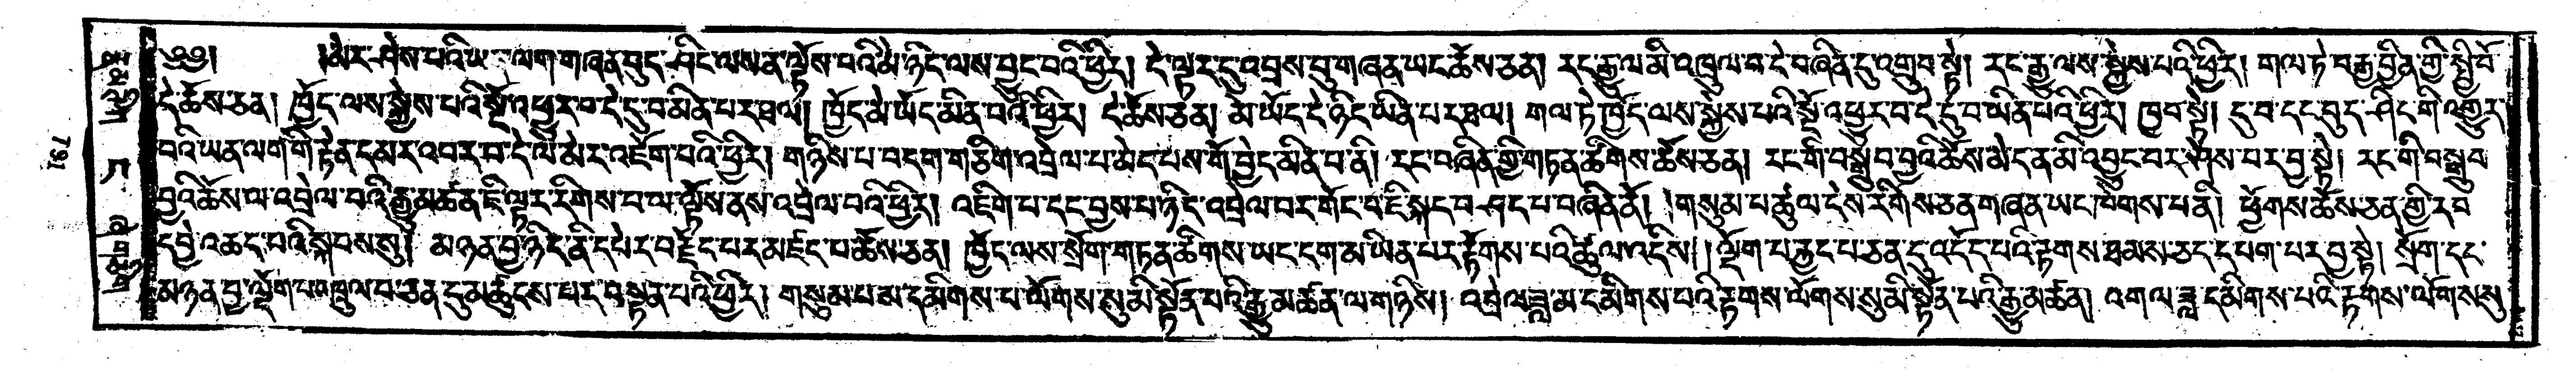༄༅། །མེར་ཤེས་པའི་ཡན་ལག་གཞན་བུད་ཤིང་ལས་ན་ལྟོས་པའི་མེ་ཉིད་ལས་བྱུང་བའི་ཕྱིར། དེ་ལྟར་དུ་འབྲས་བུ་གཞན་ཡང་ཆོས་ཅན། རང་རྒྱུ་ལ་མི་འཁྲུལ་བ་དེ་བཞིན་དུ་འགྲུབ་སྟེ། རང་རྒྱུ་ལས་སྐྱེས་པའི་ཕྱིར། གལ་ཏེ་བརྒྱ་བྱིན་གྱི་སྤྱི་བོ་
དེ་ཆོས་ཅན། ཁྱོད་ལས་སྐྱེས་པའི་སྔོ་འཕྱུར་བ་དེ་དུ་བ་མིན་པར་ཐལ། ཁྱོད་མེ་ཡོད་མིན་བའི་ཕྱིར། དེ་ཆོས་ཅན། མེ་ཡོད་དེ་ཉིད་ཡིན་པར་ཐལ། གལ་ཏེ་ཁྱོད་ལས་སྐྱེས་པའི་སྔོ་འཕྱུར་བ་དེ་དུ་བ་ཡིན་པའི་ཕྱིར། ཁྱབ་སྟེ། དུ་བ་དང་བུད་ཤིང་གི་འགྱུར་
བའི་ཡན་ལག་གི་རྟེན་དམར་འབར་བ་དེ་ལ་མེར་འཇོག་པའི་ཕྱིར། གཉིས་པ་བདག་གཅིག་འབྲེལ་པ་མེད་པས་གོ་བྱེད་མིན་པ་ནི། རང་བཞིན་གྱི་གཏན་ཚིགས་ཆོས་ཅན། རང་གི་བསྒྲུབ་བྱའི་ཆོས་མེད་ན་མི་འབྱུང་བར་ཤེས་པར་བྱ་སྟེ། རང་གི་བསྒྲུབ་
བྱའི་ཆོས་ལ་འབྲེལ་བའི་རྒྱུ་མཚན་ཇི་ལྟར་རིགས་པ་ལ་ལྟོས་ནས་འབྲེལ་བའི་ཕྱིར། འཇིག་པ་དང་བྱས་པ་ཉིད་འབྲེལ་བར་གོང་བ་ཇི་སྐད་བཤད་པ་བཞིན་ནོ། །གསུམ་པ་ཚུལ་ངེས་རིགས་ཅན་གཞན་ཡང་ཁེགས་པ་ནི། ཕྱོགས་ཆོས་ཅན་གྱི་རབ་
དབྱེ་འཆད་པའི་སྐབས་སུ། མཉན་བྱ་ཉིད་ནི་དཔེར་བརྗོད་པར་མཛད་པ་ཆོས་ཅན། ཁྱོད་ལས་སྲོག་གཏན་ཚིགས་ཡང་དག་མ་ཡིན་པར་རྟོགས་པའི་ཚུལ་འདིས། །ལྡོག་པ་རྐྱང་པ་ཅན་དུ་འདོད་པའི་རྟགས་ཐམས་ཅད་དཔག་པར་བྱ་སྟེ། སྲོག་དང་
མཉན་བྱ་ལྡོག་པ་འཁྲུལ་བ་ཅན་དུ་མཚུངས་པར་བསྟན་པའི་ཕྱིར། གསུམ་པ་མ་དམིགས་པ་ལོགས་སུ་མི་སྟོན་པའི་རྒྱུ་མཚན་ལ་གཉིས། འབྲེལ་ཟླ་མ་དམིགས་པའི་རྟགས་ལོགས་སུ་མི་སྟོན་པའི་རྒྱུ་མཚན། འགལ་ཟླ་དམིགས་པའི་རྟགས་ལོགས་སུ་